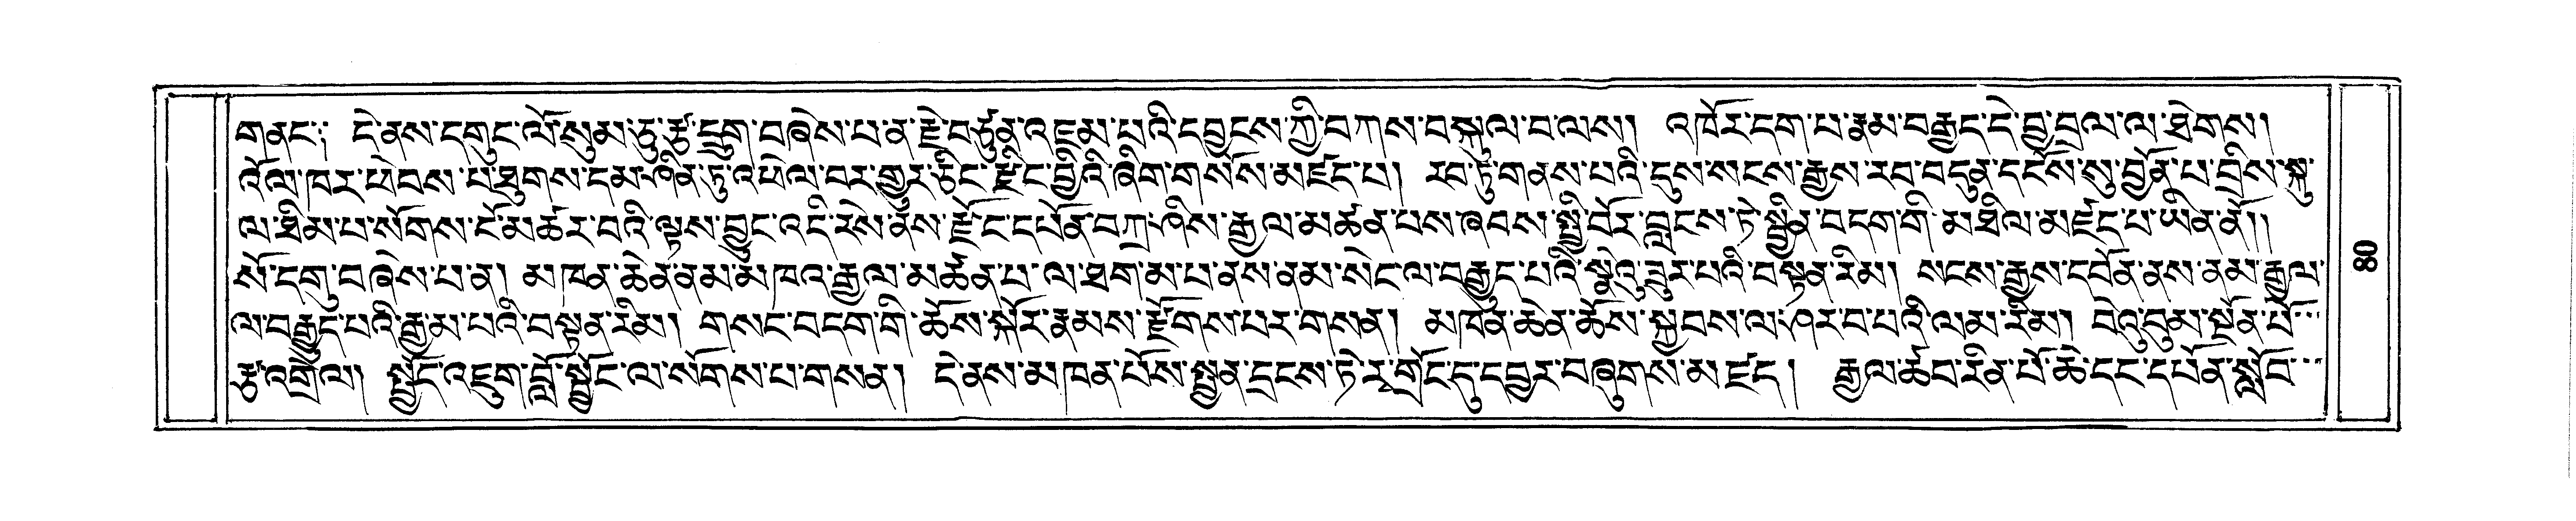གནང༑ དེ་ནས་དགུང་ལོ་སུམ་ཅུ་རྩ་དྲུག་བཞེས་པ་ན་རྗེ་བཙུན་འཇམ་པའི་དབྱངས་ཀྱི་བཀས་བསྐུལ་བ་ལས། འཁོར་དག་པ་རྣམ་བརྒྱད་དེ་བྱ་བྲལ་ལ་ཐེགས།
འོལ་ཁར་ཕེབས་པ་ཐུགས་དམ་ཤིན་ཏུ་འཕེལ་བར་གྱུར་ཅིང་རྫིང་བྱིའི་ཞིག་གསོས་མཛད་པ། རབ་ཏུ་གནས་པའི་དུས་སངས་རྒྱས་རབ་བདུན་དངོས་སུ་བྱོན་པ་བྲིས་སྐུ་
ལ་ཐིམ་པ་སོགས་ངོ་མཚར་བའི་ལྟས་བྱུང་འདི་རེས་ནས་རྫོང་དཔོན་བཀྲ་ཤིས་རྒྱལ་མཚན་པས་ཞབས་སྤྱི་བོར་བླངས་ཏེ་སྦྱིན་བདག་གི་མཐིལ་མཛད་པ་ཡིན་ནོ།།
སོ་དགུ་བཞེས་པ་ན། མཁན་ཆེན་ནམ་མཁའ་རྒྱལ་མཚན་པ་ལ་ཐག་མ་པ་ནས་ནམ་སེང་ལ་བརྒྱུད་པའི་སྣེའུ་ཟུར་བའི་བསྟན་རིམ། སངས་རྒྱས་དབོན་ནས་ནམ་རྒྱལ་
ལ་བརྒྱུད་པའི་རྒྱ་མ་པའི་བསྟན་རིམ། གསང་བདག་གི་ཆོས་སྐོར་རྣམས་རྫོགས་པར་གསན། མཁན་ཆེན་ཆོས་སྐྱབས་ལ་ཤར་བ་བའི་ལམ་རིམ། བེའུ་བུམ་སྔོན་པོ་
རྩ་འགྲེལ། སྤྱོད་འཇུག་བློ་སྦྱོང་ལ་སོགས་པ་གསན། དེ་ནས་མཁན་པོས་སྤྱན་དྲངས་ཏེ་རྭ་གྲོང་དུ་དབྱར་བཞུགས་མཛད། རྒྱལ་ཚབ་རིན་པོ་ཆེ་དང་དཔོན་སློབ་